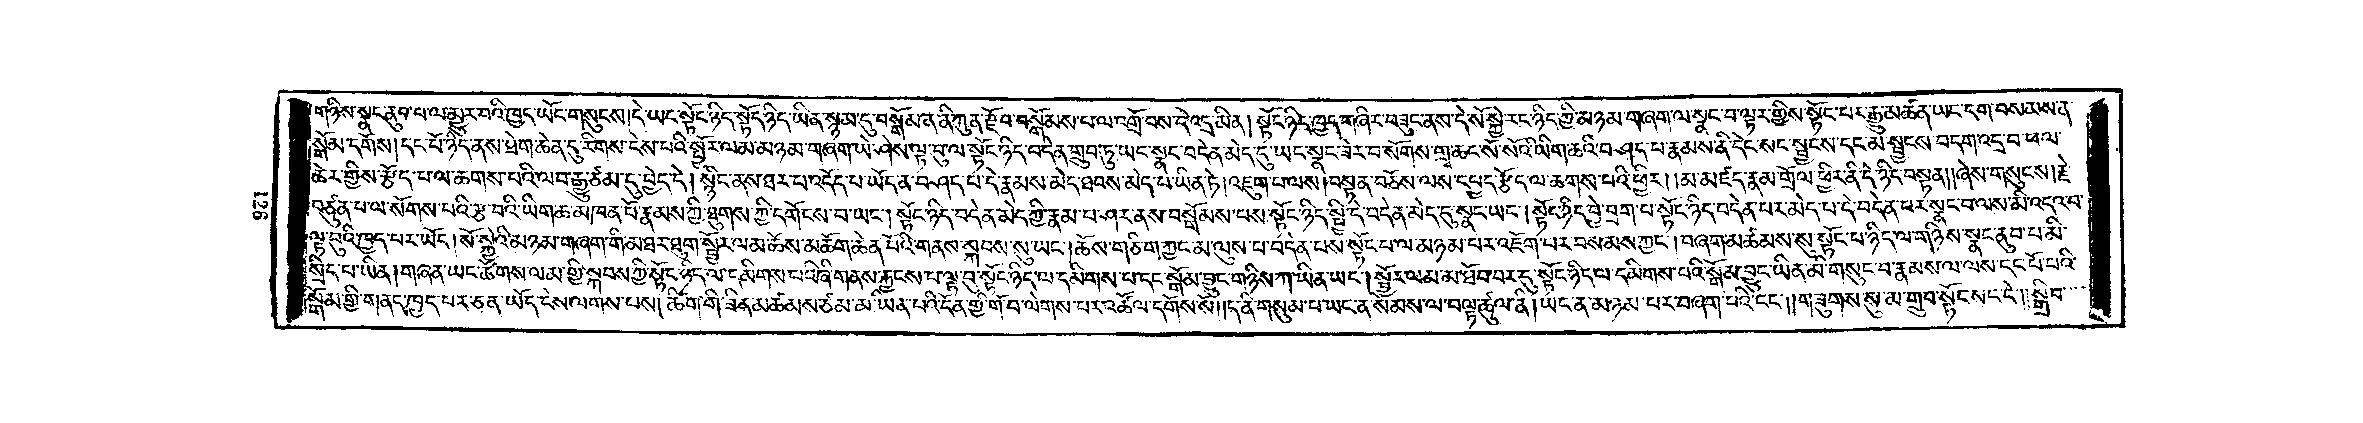གཉིས་སྣང་ནུབ་པ་ལ་མྱུར་བའི་ཁྱད་ཡོང་གསུངས། དེ་ཡང་སྟོང་ཉིད་སྟོང་ཉིད་ཡིན་སྙམ་དུ་བསྒོམ་ན་ནི་ཀུན་རྫོབ་བསྒོམས་པ་ལ་འགྲོ་བས་དེ་འདྲ་མིན། སྟོང་ཉིད་ཁྱད་གཞིར་བཟུང་ནས་དེ་སོ་སྐྱེ་རང་ཉིད་ཀྱི་མཉམ་གཞག་ལ་སྣང་བ་ལྟར་གྱིས་སྟོང་པར་རྒྱུ་མཚན་ཡང་དག་བསམས་ན་
སྒོམ་དགོས། དང་པོ་ཉིད་ནས་ཐེག་ཆེན་དུ་རིགས་ངེས་པའི་སྦྱོར་ལམ་མཉམ་གཞག་ཡེ་ཤེས་ལྟ་བུ་ལ་སྟོང་ཉིད་བདེན་གྲུབ་ཏུ་ཡང་སྣང་བདེན་མེད་དུ་ཡང་སྣང་ཟེར་བ་སོགས་གྲྭ་ཚང་སོ་སོའི་ཡིག་ཆའི་བཤད་པ་རྣམས་ནི་དེང་སང་སྦྱངས་དང་མ་སྦྱངས་བདག་འདྲ་བ་ཕལ་
ཆེར་གྱིས་རྩོད་པ་ལ་ཆགས་པའི་ལབ་རྒྱུ་ཙམ་དུ་བྱེད་དེ། སྙིང་ནས་ཐར་པ་འདོད་པ་ཡོད་ན་བཤད་པ་དེ་རྣམས་མེད་ཐབས་མེད་པ་ཡིན་ཏེ། འཇུག་པ་ལས། བསྟན་བཅོས་ལས་དཔྱད་རྩོད་ལ་ཆགས་པའི་ཕྱིར། །མ་མཛད་རྣམ་གྲོལ་ཕྱིར་ནི་དེ་ཉིད་བསྟན། །ཞེས་གསུངས། རྗེ་
བཙུན་པ་ལ་སོགས་པའི་རྩ་བའི་ཡིག་ཆ་མཁན་པོ་རྣམས་ཀྱི་ཐུགས་ཀྱི་དགོངས་པ་ཡང་། སྟོང་ཉིད་བདེན་མེད་ཀྱི་རྣམ་པ་ཤར་ནས་བསྒོམས་པས་སྟོང་ཉིད་སྤྱི་དེ་བདེན་མེད་དུ་སྣང་ཡང་། སྟོང་ཉིད་བྱེ་བྲག་པ་སྟོང་ཉིད་བདེན་པར་མེད་པ་དེ་བདེན་པར་སྣང་བ་ལས་མི་འདའ་བ་
ལྟ་བུའི་ཁྱད་པར་ཡོང་། སོ་སྐྱེའི་མཉམ་གཞག་གི་མཐར་ཐུག་སྦྱོར་ལམ་ཆོས་མཆོག་ཆེན་པོའི་གནས་སྐབས་སུ་ཡང་། ཆོས་གཅིག་ཀྱང་མ་ལུས་པ་བདེན་པས་སྟོང་པ་ལ་མཉམ་པར་འཇོག་པར་བསམས་ཀྱང་། བཞག་མཚམས་སུ་སྟོང་པ་ཉིད་ལ་གཉིས་སྣང་ནུབ་པ་མི་
སྲིད་པ་ཡིན། གཞན་ཡང་ཚོགས་ལམ་གྱི་སྐབས་ཀྱི་སྟོང་ཉིད་ལ་དམིགས་པའི་ཞི་གནས་རྐྱངས་པ་ལྟ་བུ་སྟོང་ཉིད་ལ་དམིགས་པ་དང་སྒོམ་བྱུང་གཉིས་ཀ་ཡིན་ཡང་། སྦྱོར་ལམ་མ་ཐོབ་བར་དུ་སྟོང་ཉིད་ལ་དམིགས་པའི་སྒོམ་བྱུང་ཡིན་མི་གསུང་བ་རྣམས་ལ་ལས་དང་པོ་པའི་
སྒོམ་གྱི་གནད་ཁྱད་པར་ཅན་ཡོད་ངེས་ལགས་པས། ཚིག་གི་ཟིན་མཚམས་ཙམ་མ་ཡིན་པའི་དོན་གྱི་གོ་བ་ལེགས་པར་འཚོལ་དགོས་སོ། །ད་ནི་གསུམ་པ་ཡང་ན་སེམས་ལ་བལྟ་ཚུལ་ནི། ཡང་ན་མཉམ་པར་བཞག་པའི་ངང་། །གཟུགས་སུ་མ་གྲུབ་སྟོང་སང་དེ། །སྒྲིབ་